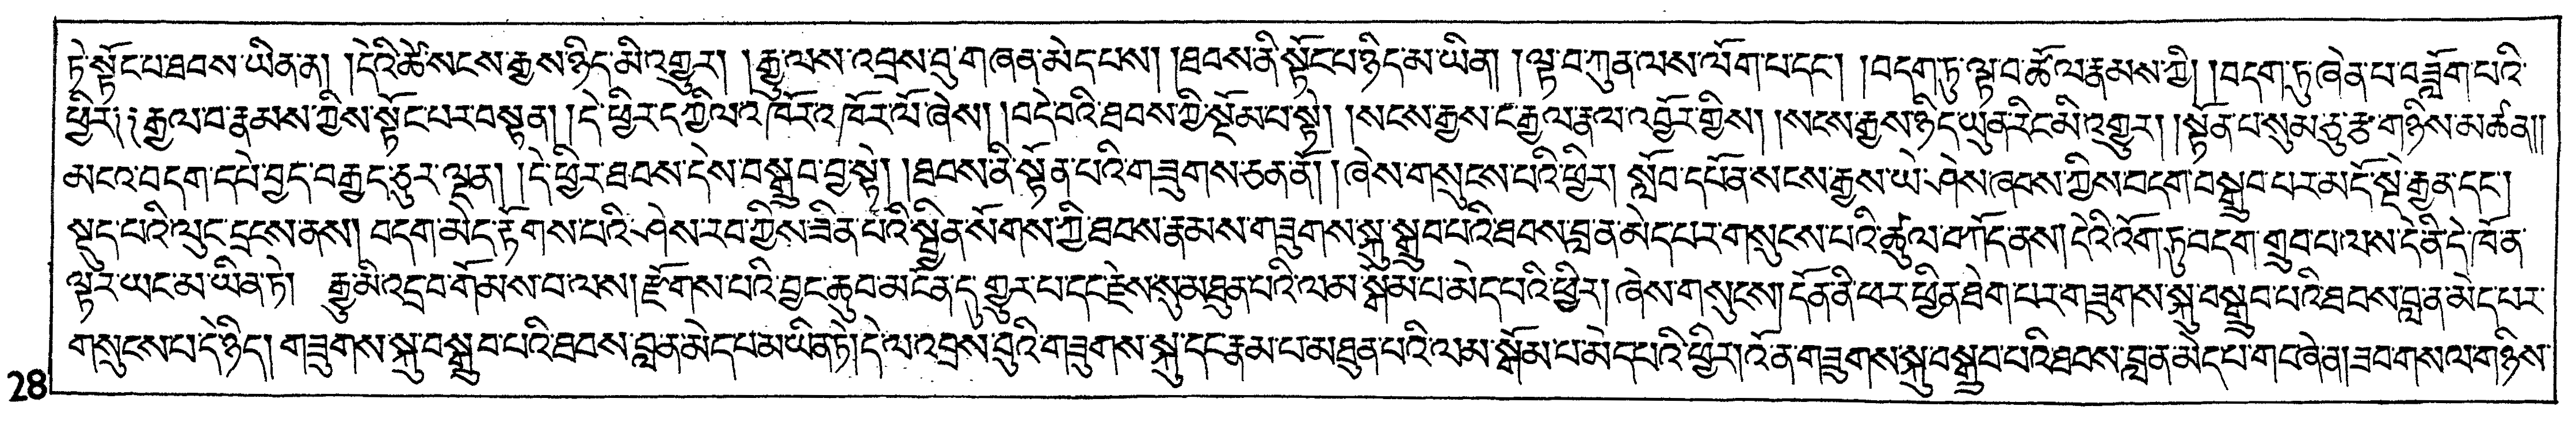ཏེ་སྟོང་པ་ཐབས་ཡིན་ན། །དེའི་ཚེ་སངས་རྒྱས་ཉིད་མི་འགྱུར། །རྒྱུ་ལས་འབྲས་བུ་གཞན་མེད་པས། །ཐབས་ནི་སྟོང་པ་ཉིད་མ་ཡིན། །ལྟ་བ་ཀུན་ལས་ལོག་པ་དང་། །བདག་ཏུ་ལྟ་བ་ཚོལ་རྣམས་ཀྱི། །བདག་ཏུ་ཞེན་པ་བཟློག་པའི་
ཕྱིར། །རྒྱལ་བ་རྣམས་ཀྱིས་སྟོང་པར་བསྟན། །དེ་ཕྱིར་དཀྱིལ་འཁོར་འཁོར་ལོ་ཞེས། །བདེ་བའི་ཐབས་ཀྱི་སྡོམ་པ་སྟེ། །སངས་རྒྱས་ང་རྒྱལ་རྣལ་འབྱོར་གྱིས། །སངས་རྒྱས་ཉིད་ཡུན་རིང་མི་འགྱུར། །སྟོན་པ་སུམ་ཅུ་རྩ་གཉིས་མཚན། །
མངའ་བདག་དཔེ་བྱད་བརྒྱད་ཅུར་ལྡན། །དེ་ཕྱིར་ཐབས་དེས་བསྒྲུབ་བྱ་སྟེ། །ཐབས་ནི་སྟོན་པའི་གཟུགས་ཅན་ནོ། །ཞེས་གསུངས་པའི་ཕྱིར། སློབ་དཔོན་སངས་རྒྱས་ཡེ་ཤེས་ཞབས་ཀྱིས་བདག་བསྒྲུབ་པར་མདོ་སྡེ་རྒྱན་དང་།
སྡུད་པའི་ལུང་དྲངས་ནས། བདག་མེད་རྟོགས་པའི་ཤེས་རབ་ཀྱིས་ཟིན་པའི་སྦྱིན་སོགས་ཀྱི་ཐབས་རྣམས་གཟུགས་སྐུ་སྒྲུབ་པའི་ཐབས་བླ་ན་མེད་པར་གསུངས་པའི་ཚུལ་བཀོད་ནས། དེའི་འོག་ཏུ་བདག་གྲུབ་པ་ལས་དེ་ནི་དེ་ཁོ་ན་
ལྟར་ཡང་མ་ཡིན་ཏེ། རྒྱུ་མི་འདྲ་བ་གོམས་པ་ལས། རྫོགས་པའི་བྱང་ཆུབ་མངོན་དུ་གྱུར་པ་དང་རྗེས་སུ་མཐུན་པའི་ལམ་སྒོམ་པ་མེད་པའི་ཕྱིར། ཞེས་གསུངས། དོན་ནི་ཕར་ཕྱིན་ཐེག་པར་གཟུགས་སྐུ་བསྒྲུབ་པའི་ཐབས་བླ་ན་མེད་པར་
གསུངས་པ་དེ་ཉིད། གཟུགས་སྐུ་བསྒྲུབ་པའི་ཐབས་བླ་ན་མེད་པ་མ་ཡིན་ཏེ། དེ་ལ་འབྲས་བུའི་གཟུགས་སྐུ་དང་རྣམ་པ་མཐུན་པའི་ལམ་སྒོམ་པ་མེད་པའི་ཕྱིར། འོ་ན་གཟུགས་སྐུ་བསྒྲུབ་པའི་ཐབས་བླ་ན་མེད་པ་གང་ཞེ་ན། ཟབ་གསལ་གཉིས་